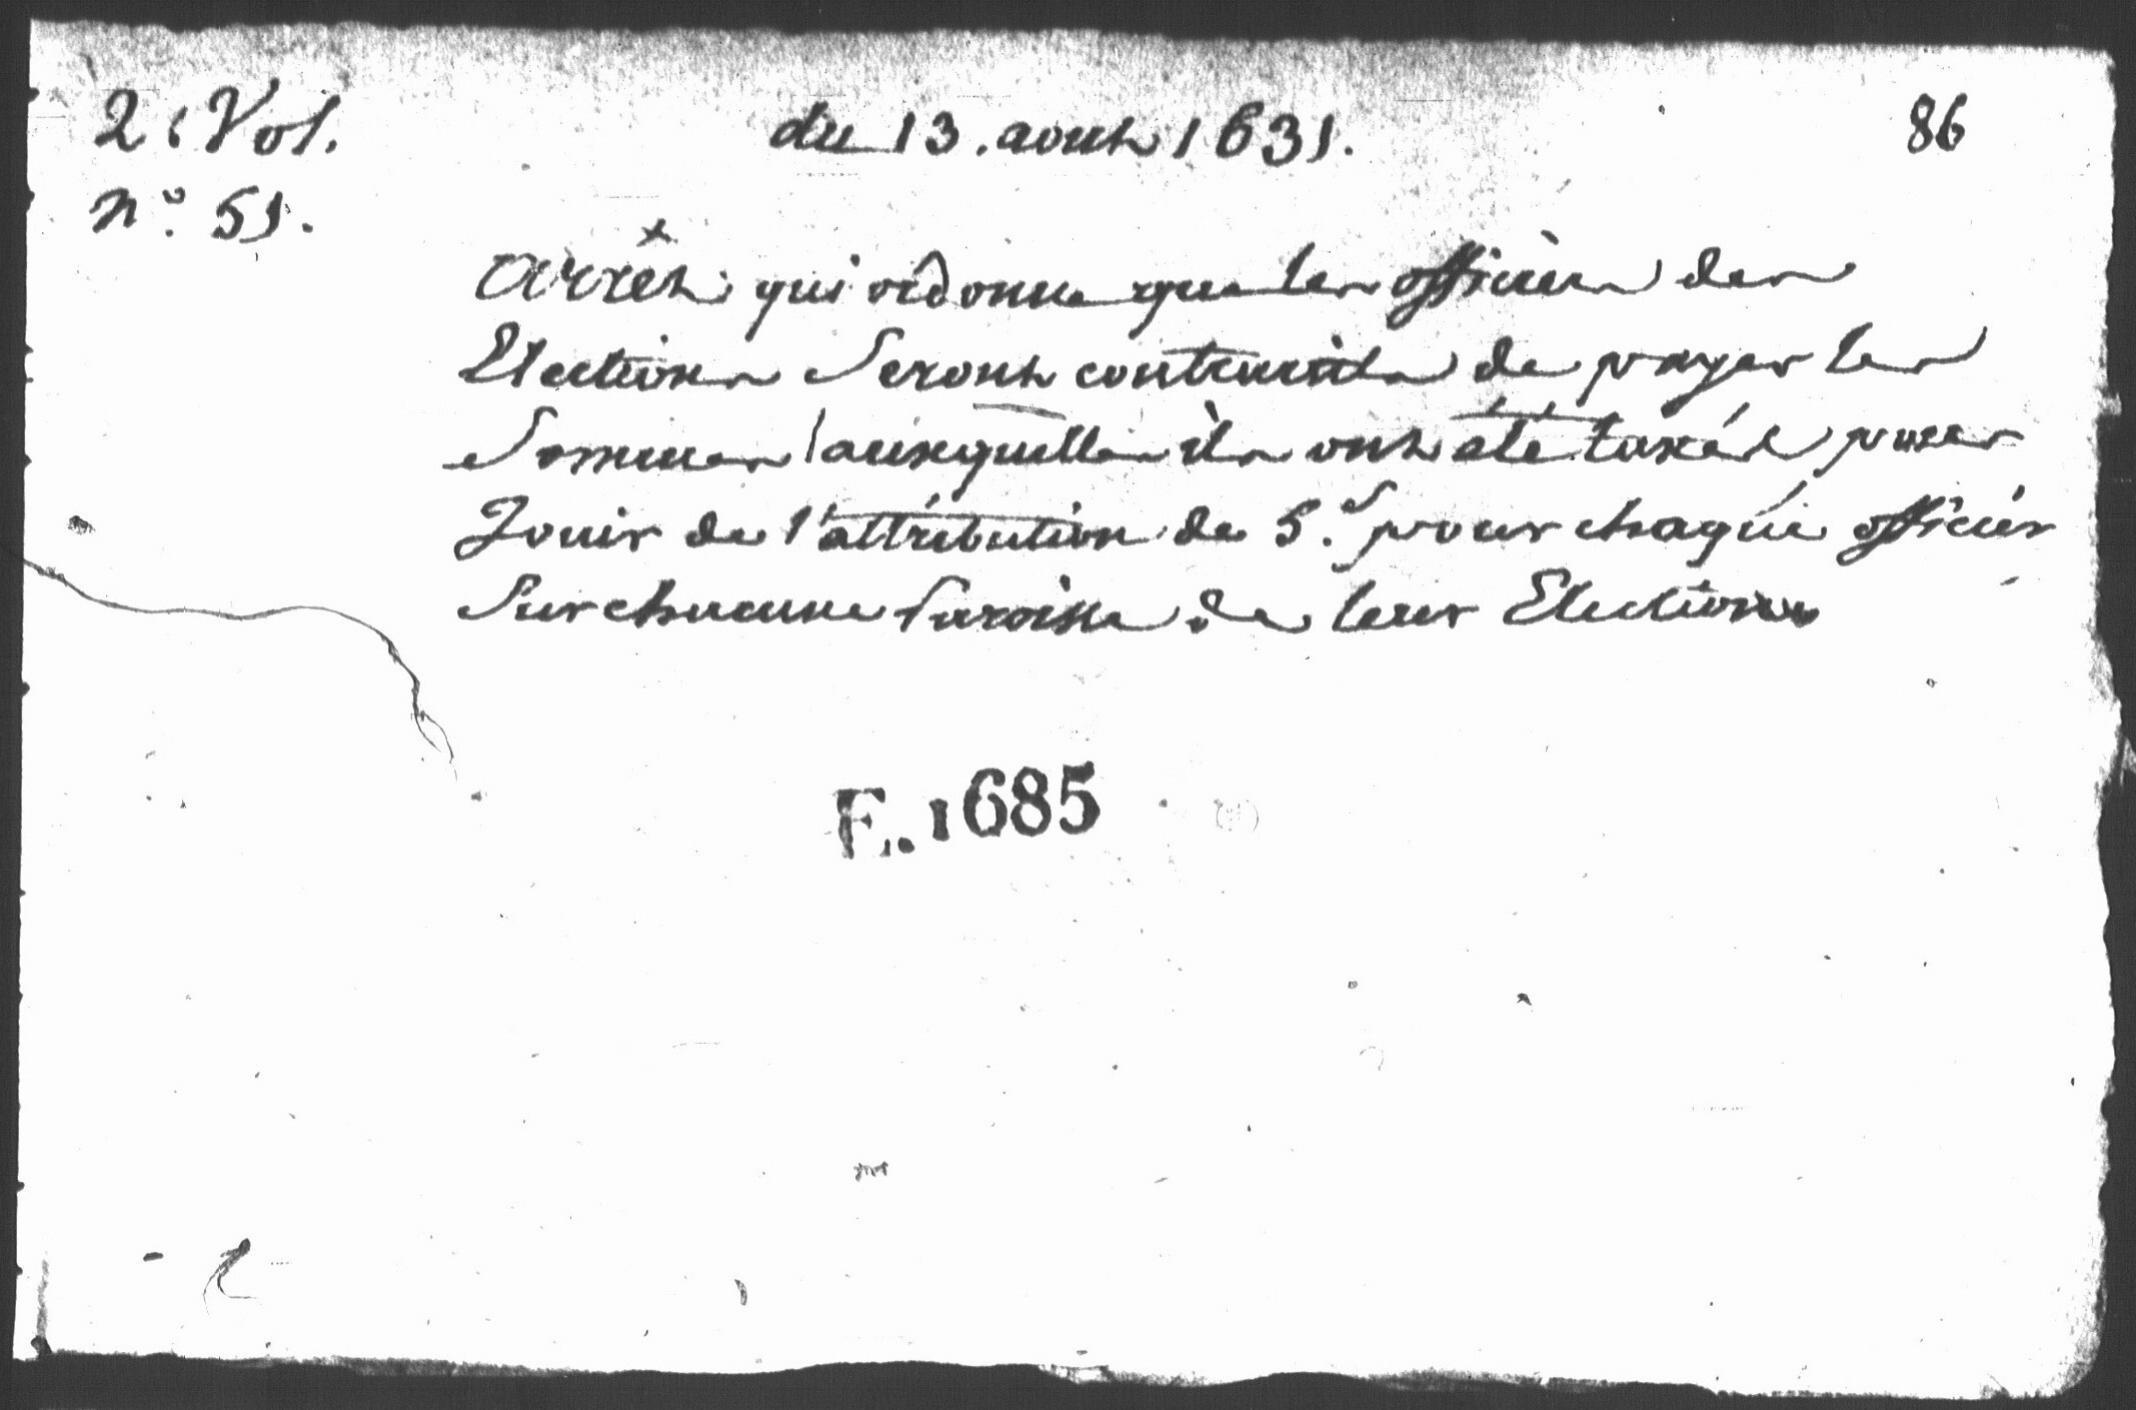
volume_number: n°51
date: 13 août 1631
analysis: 86
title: Arrêt qui ordonne que les officiers des Elections seront contraints de payer les sommes auxquelles ils ont été taxés pour jouir de l'attribution de 5 s. pour chaque officier sur chacune paroisse de leur Election.
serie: E
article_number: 1685
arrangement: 2. vol.
